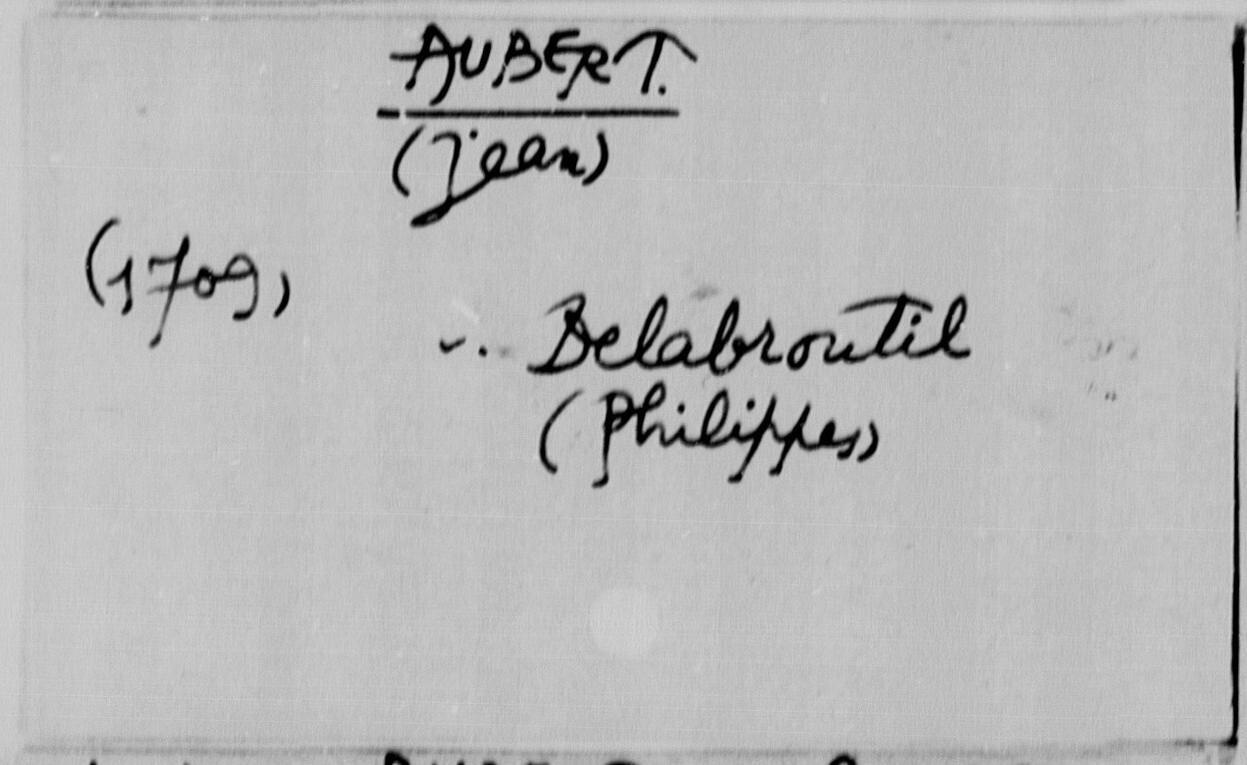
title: AUBERT (Jean)
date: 1709
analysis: Voir Delabroutil (Philippes)
